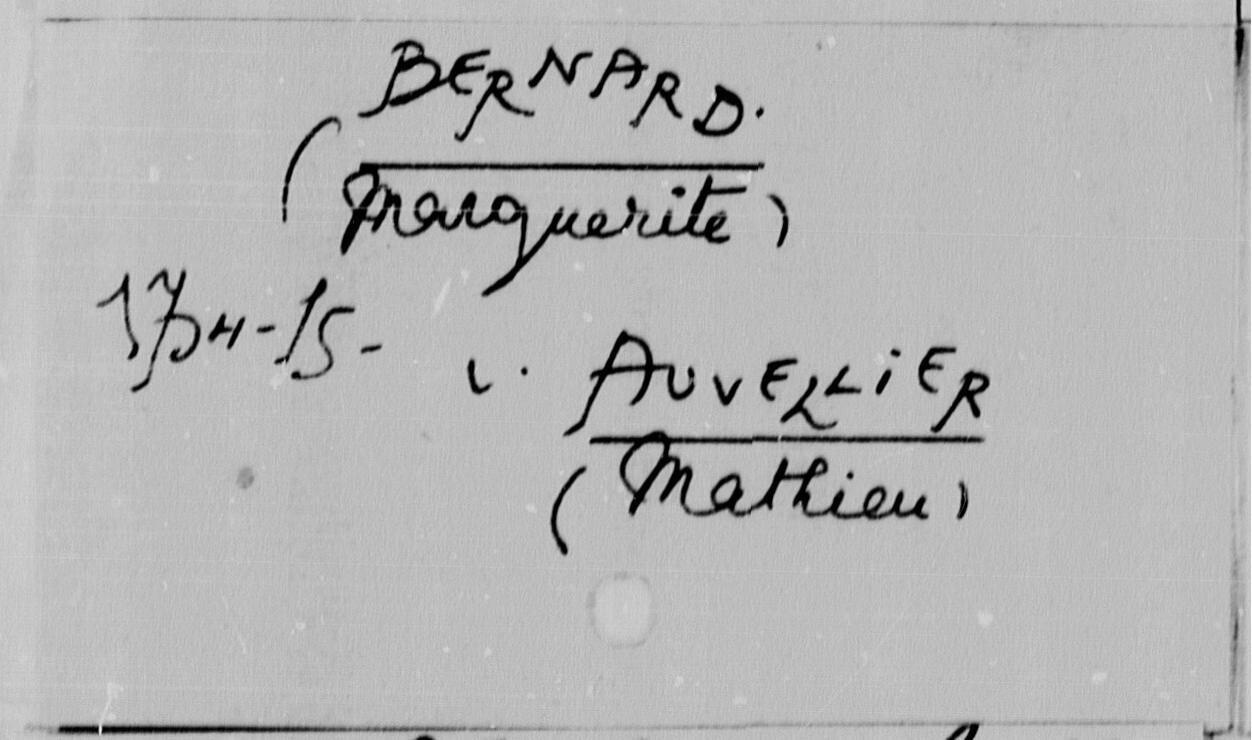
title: BERNARD (Marguerite)
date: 1704-1715
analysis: Voir AUVELLIER (Mathieu)
